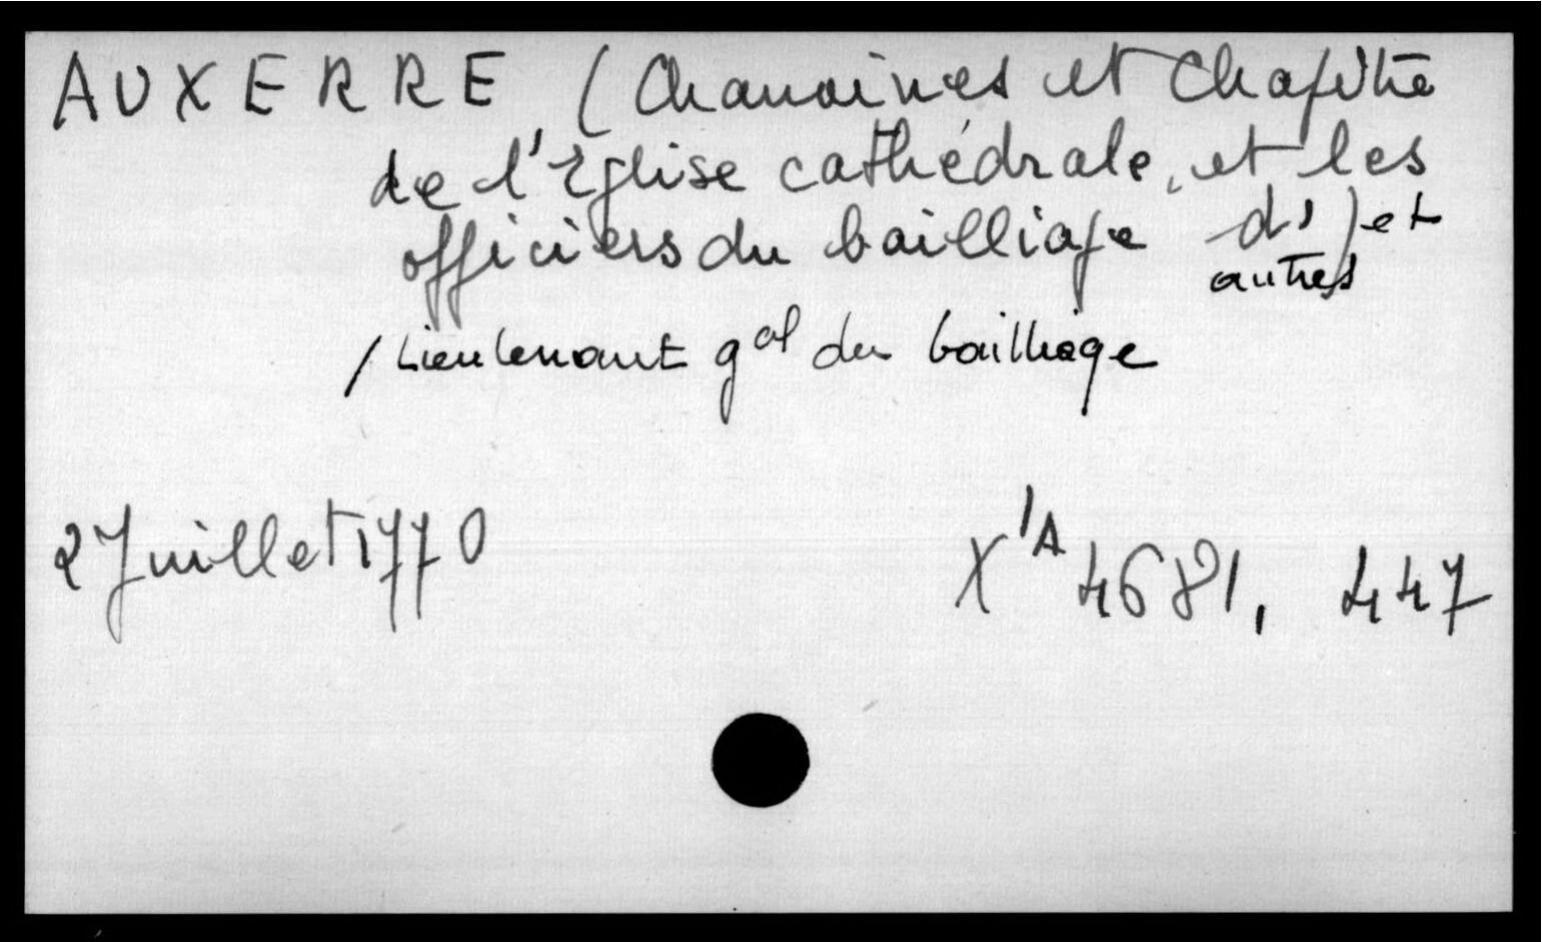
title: AUXERRE (Chanoines et Chapitre de l'église cathédrale, et les officiers du bailliage d') et autres
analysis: Contre Lieutenant général du bailliage
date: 2 juillet 1770
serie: X1A
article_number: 4681
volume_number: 447
